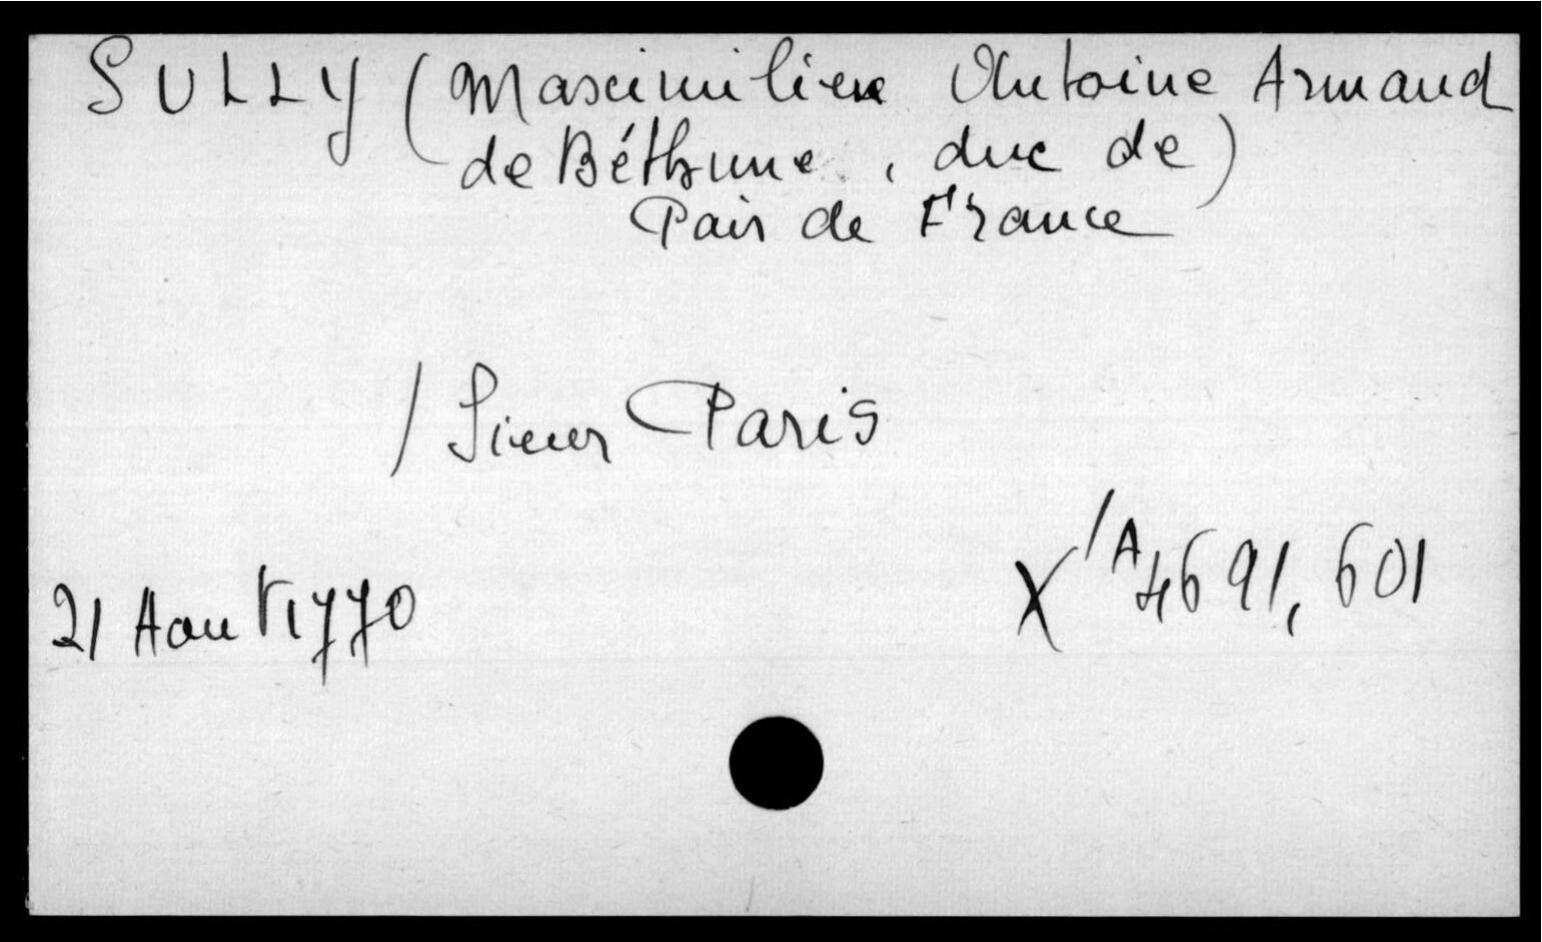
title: SULLY (Maximilien Antoine Armand de Bétheme, duc de) Pair de France
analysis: Contre Sieur Paris
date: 21 août 1770
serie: X1A
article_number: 4691
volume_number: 601
